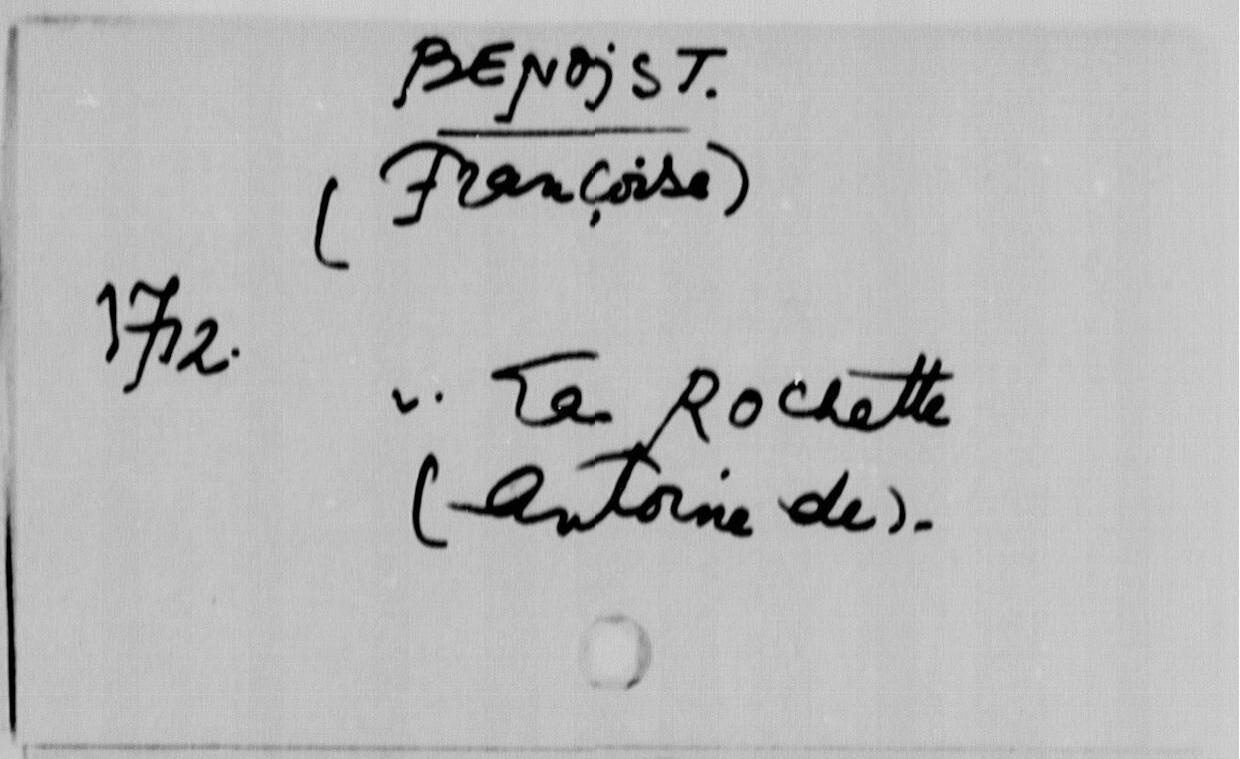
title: BENOIST (Françoise)
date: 1712
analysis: Voir : La Rochette (Antoine de)
